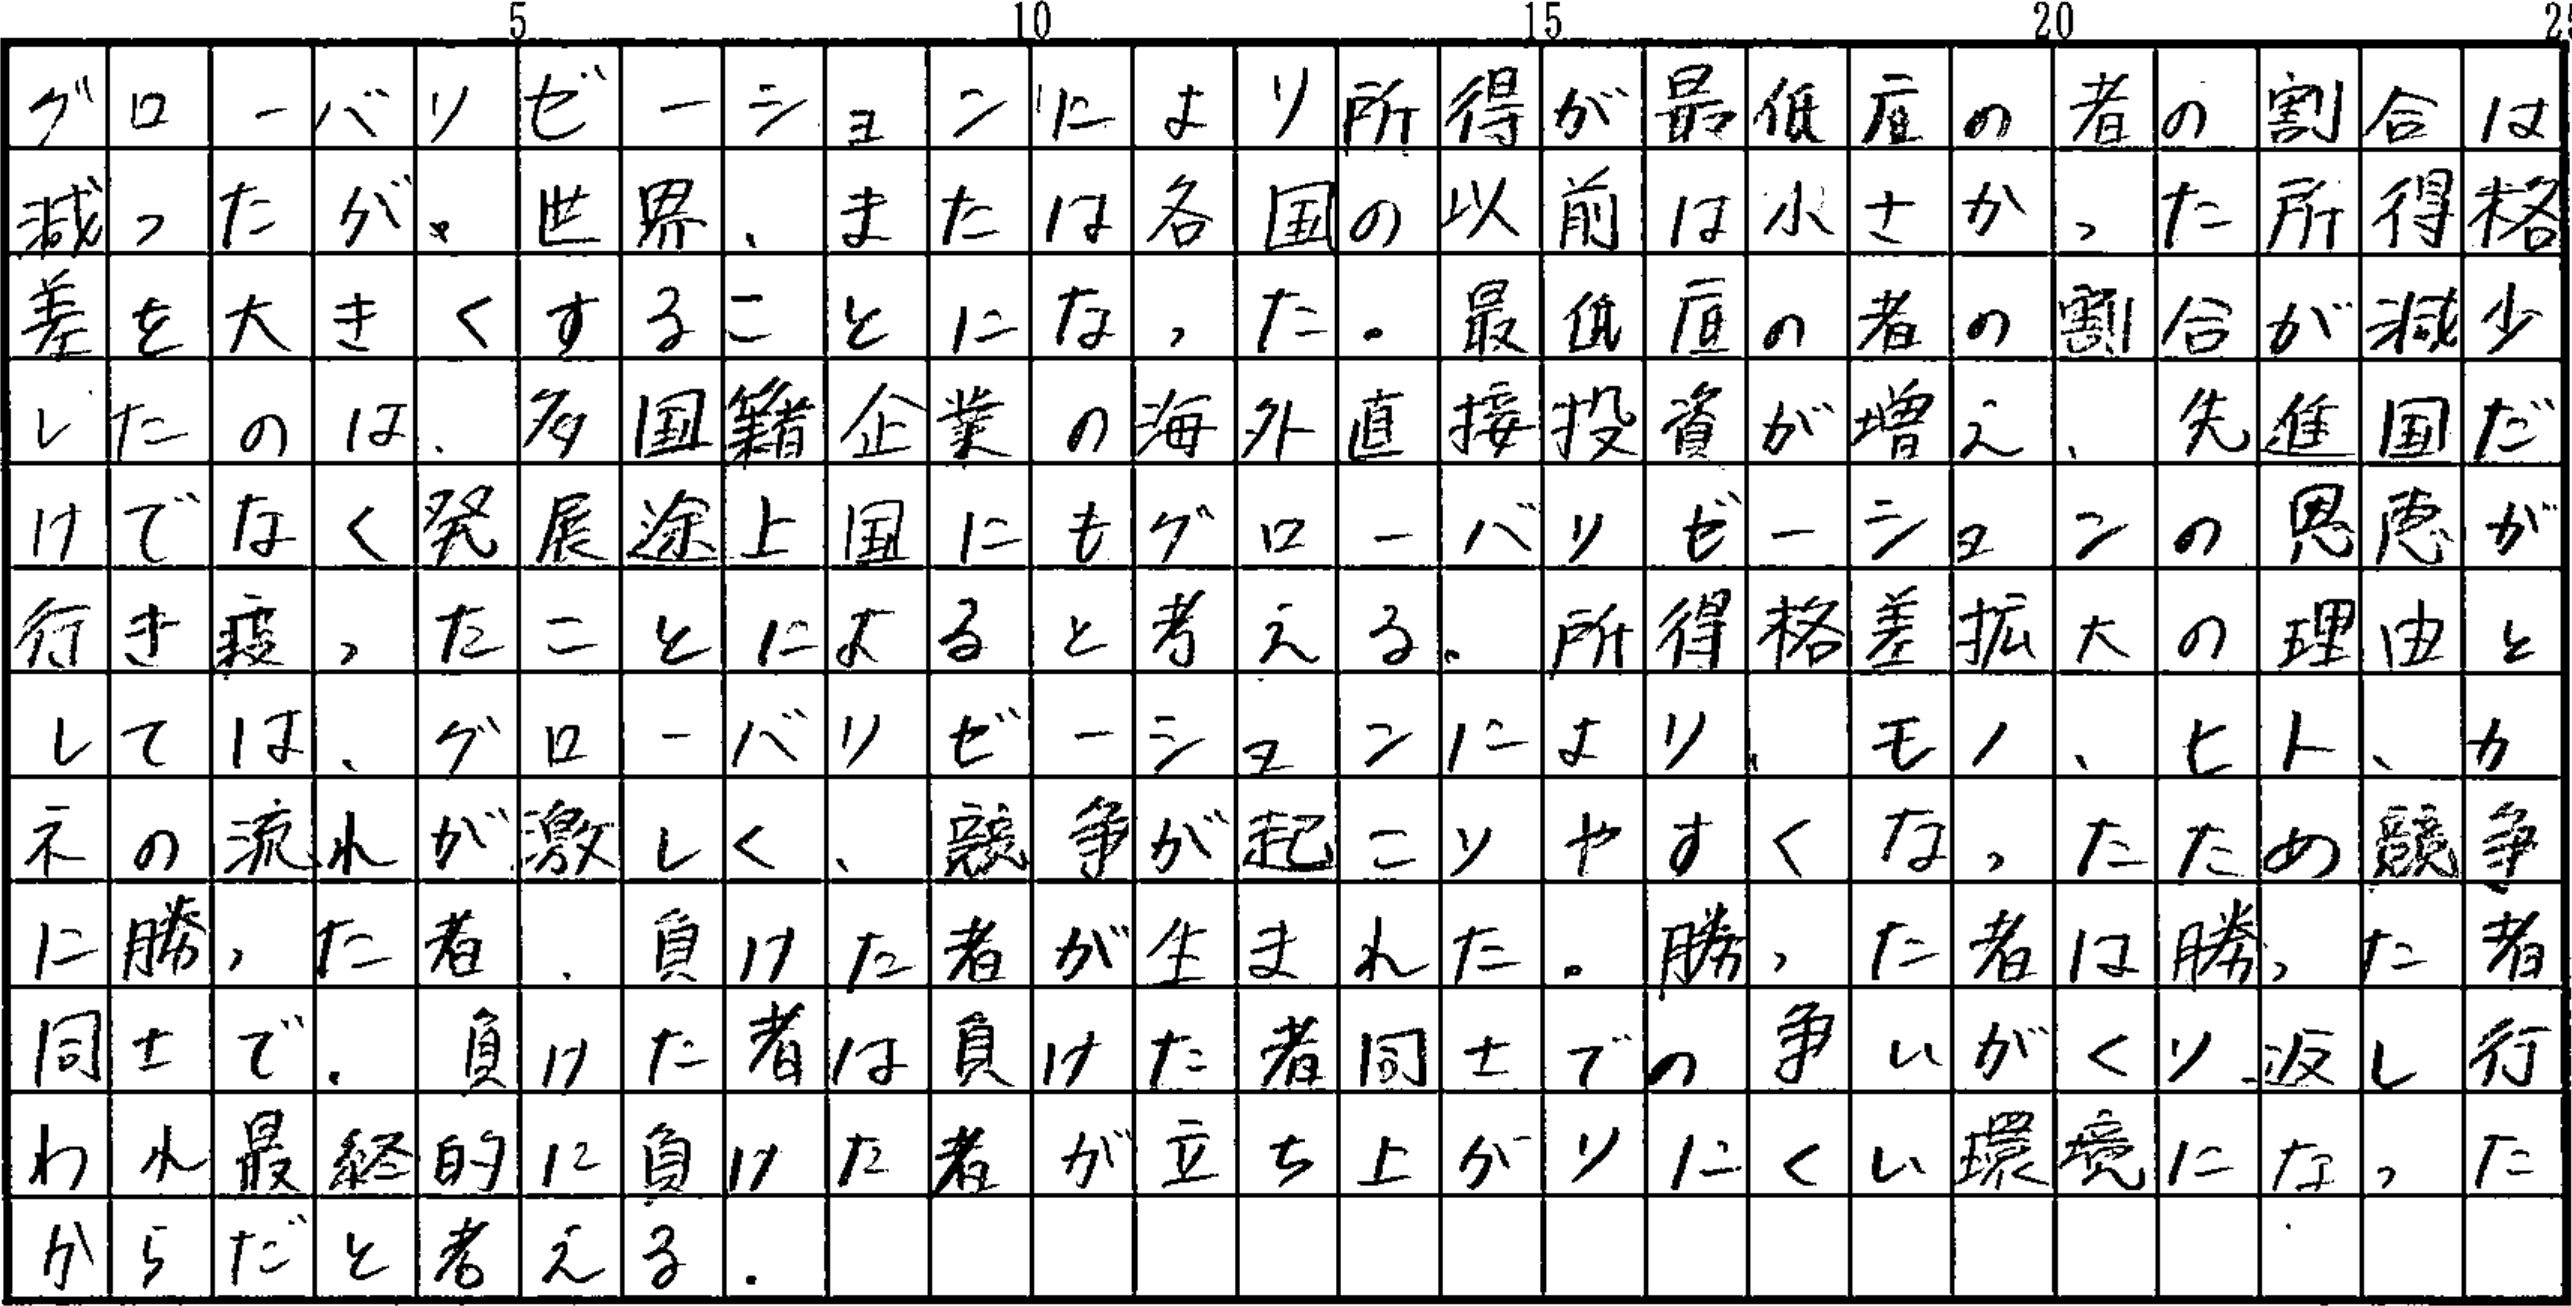グローバリゼーションにより所得が最低底の者の割合は減ったが、世界、または各国の以前は小さかった所得格差を大きくすることになった。最低底の者の割合が減少したのは、多国籍企業の海外直接投資が増え、先進国だけでなく発展途上国にもグローバリゼーションの恩恵が行き渡ったことによると考える。所得格差拡大の理由としては、グローバリゼーションにより、モノ、ヒト、カネの流れが激しく、競争が起こりやすくなったため競争に勝った者、負けた者が生まれた。勝った者は勝った者同士で、負けた者は負けた者同士での争いがくり返し行われ最終的に負けた者が立ち上がりにくい環境になったからだと考える。
